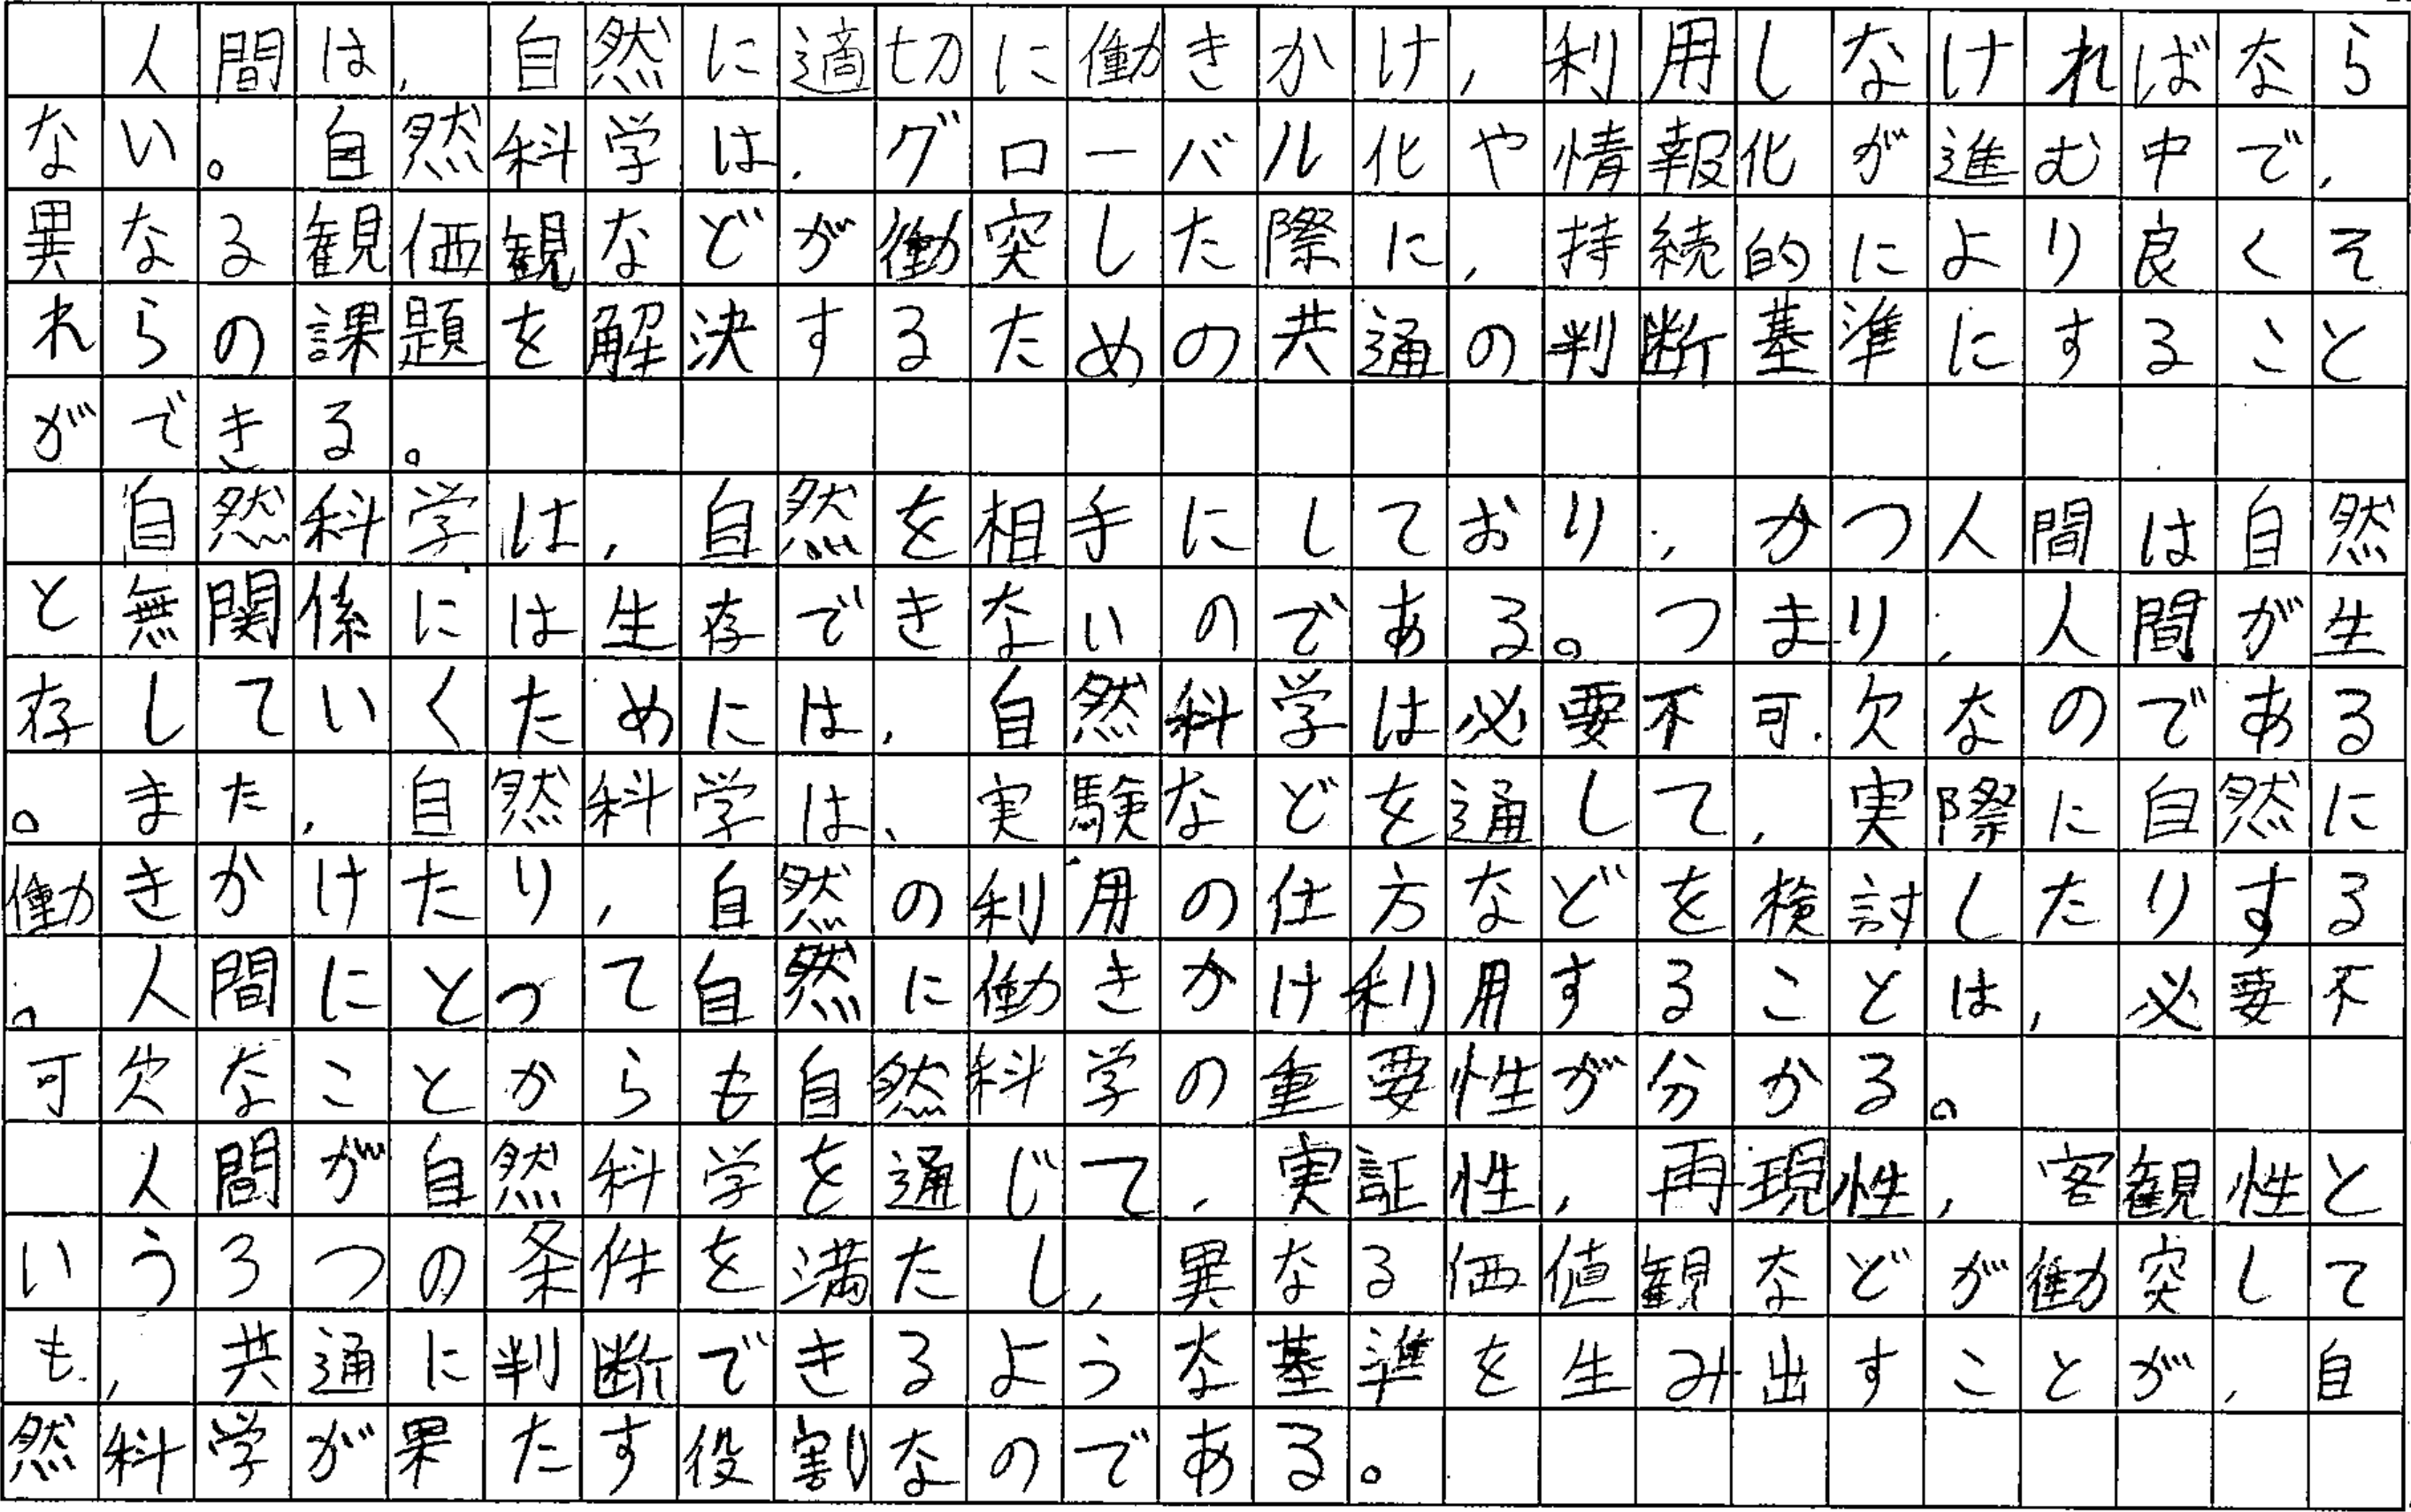　人間は、自然に適切に働きかけ、利用しなければならない。自然科学は、グローバル化や情報化が進む中で、異なる観価観などが▁突した際に、持続的により良くそれらの課題を解決するための共通の判断基準にすることができる。
　自然科学は、自然を相手にしており、かつ人間は自然と無関係には生存できないのである。つまり、人間が生存していくためには、自然科学は必要不可欠なのである。また、自然科学は、実験などを通して、実際に自然に働きかけたり、自然の利用の仕方などを検討したりする。人間にとって自然に働きかけ利用することは、必要不可欠なことからも自然科学の重要性が分かる。
　人間が自然科学を通じて、実証性、再現性、客観性という３つの条件を満たし、異なる価値観などが▁突しても、共通に判断できるような基準を生み出すことが、自然科学が果たす役割なのである。
